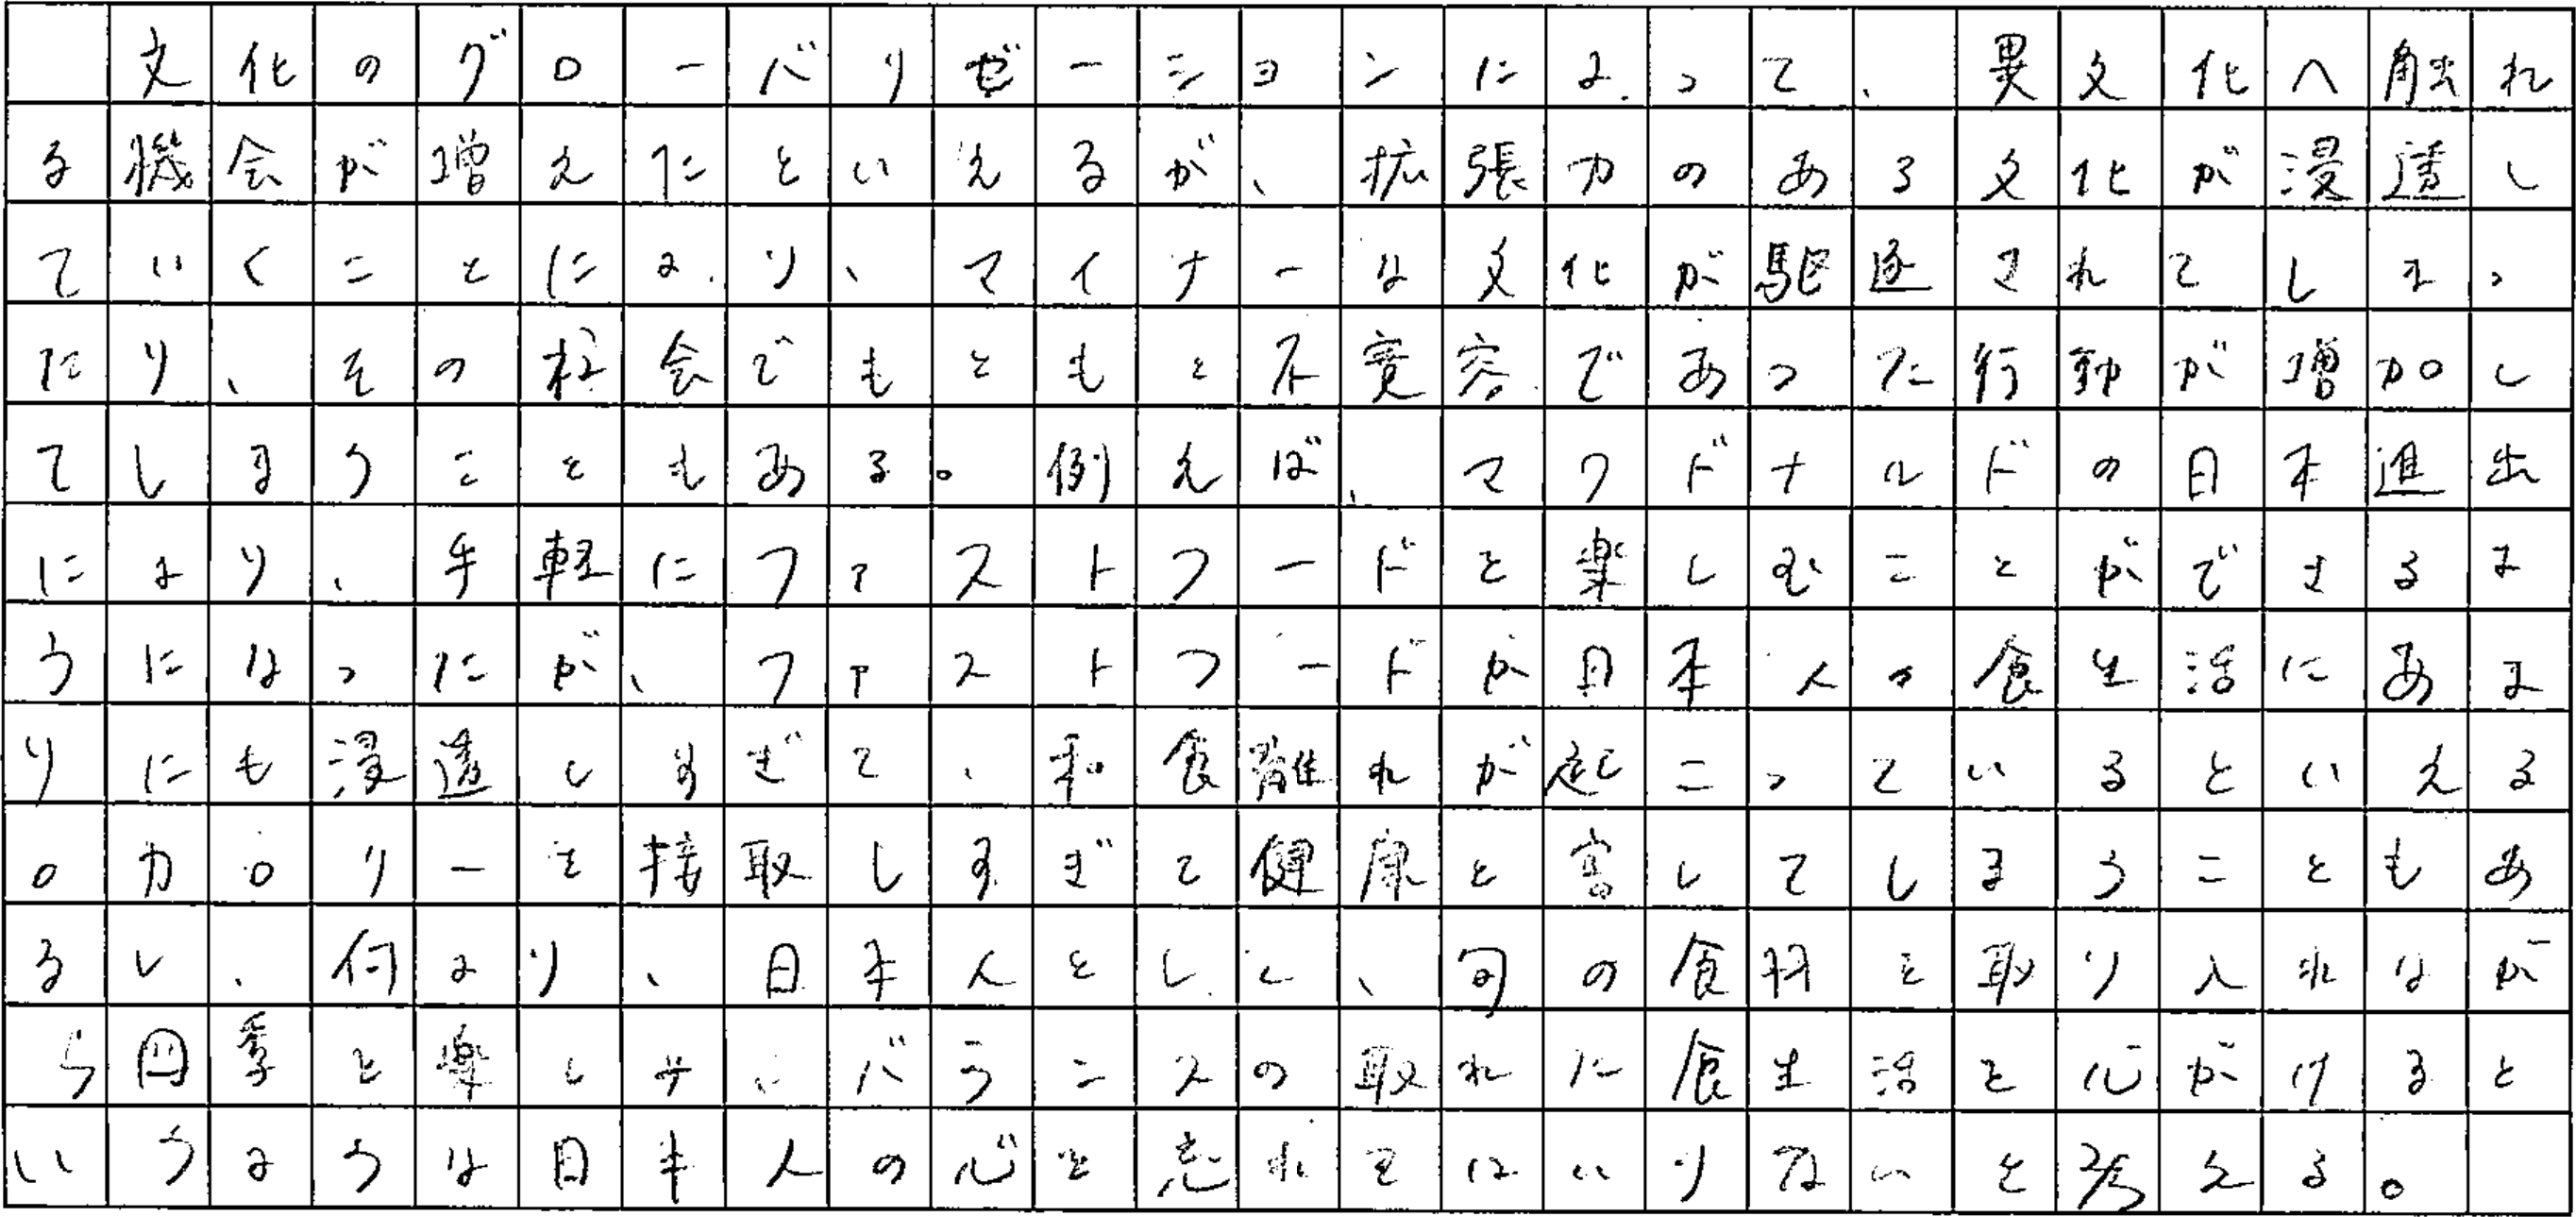　文化のグローバリゼーションによって、異文化へ触れる機会が増えたといえるが、拡張力のある文化が浸透していくことにより、マイナーな文化が駆逐されてしまったり、その社会でもともと不寛容であった行動が増加してしまうこともある。例えば、マクドナルドの日本進出により、手軽にファストフードを楽しむことができるようになったが、ファストフードが日本人の食生活にあまりにも浸透しすぎて、和食離れが起こっているといえる。カロリーを接取しすぎて健康を害してしまうこともあるし、何より、日本人として、旬の食材を取り入れながら四季を楽しみ、バランスの取れた食生活を心がけるというような日本人の心を忘れてはいけないと考える。
